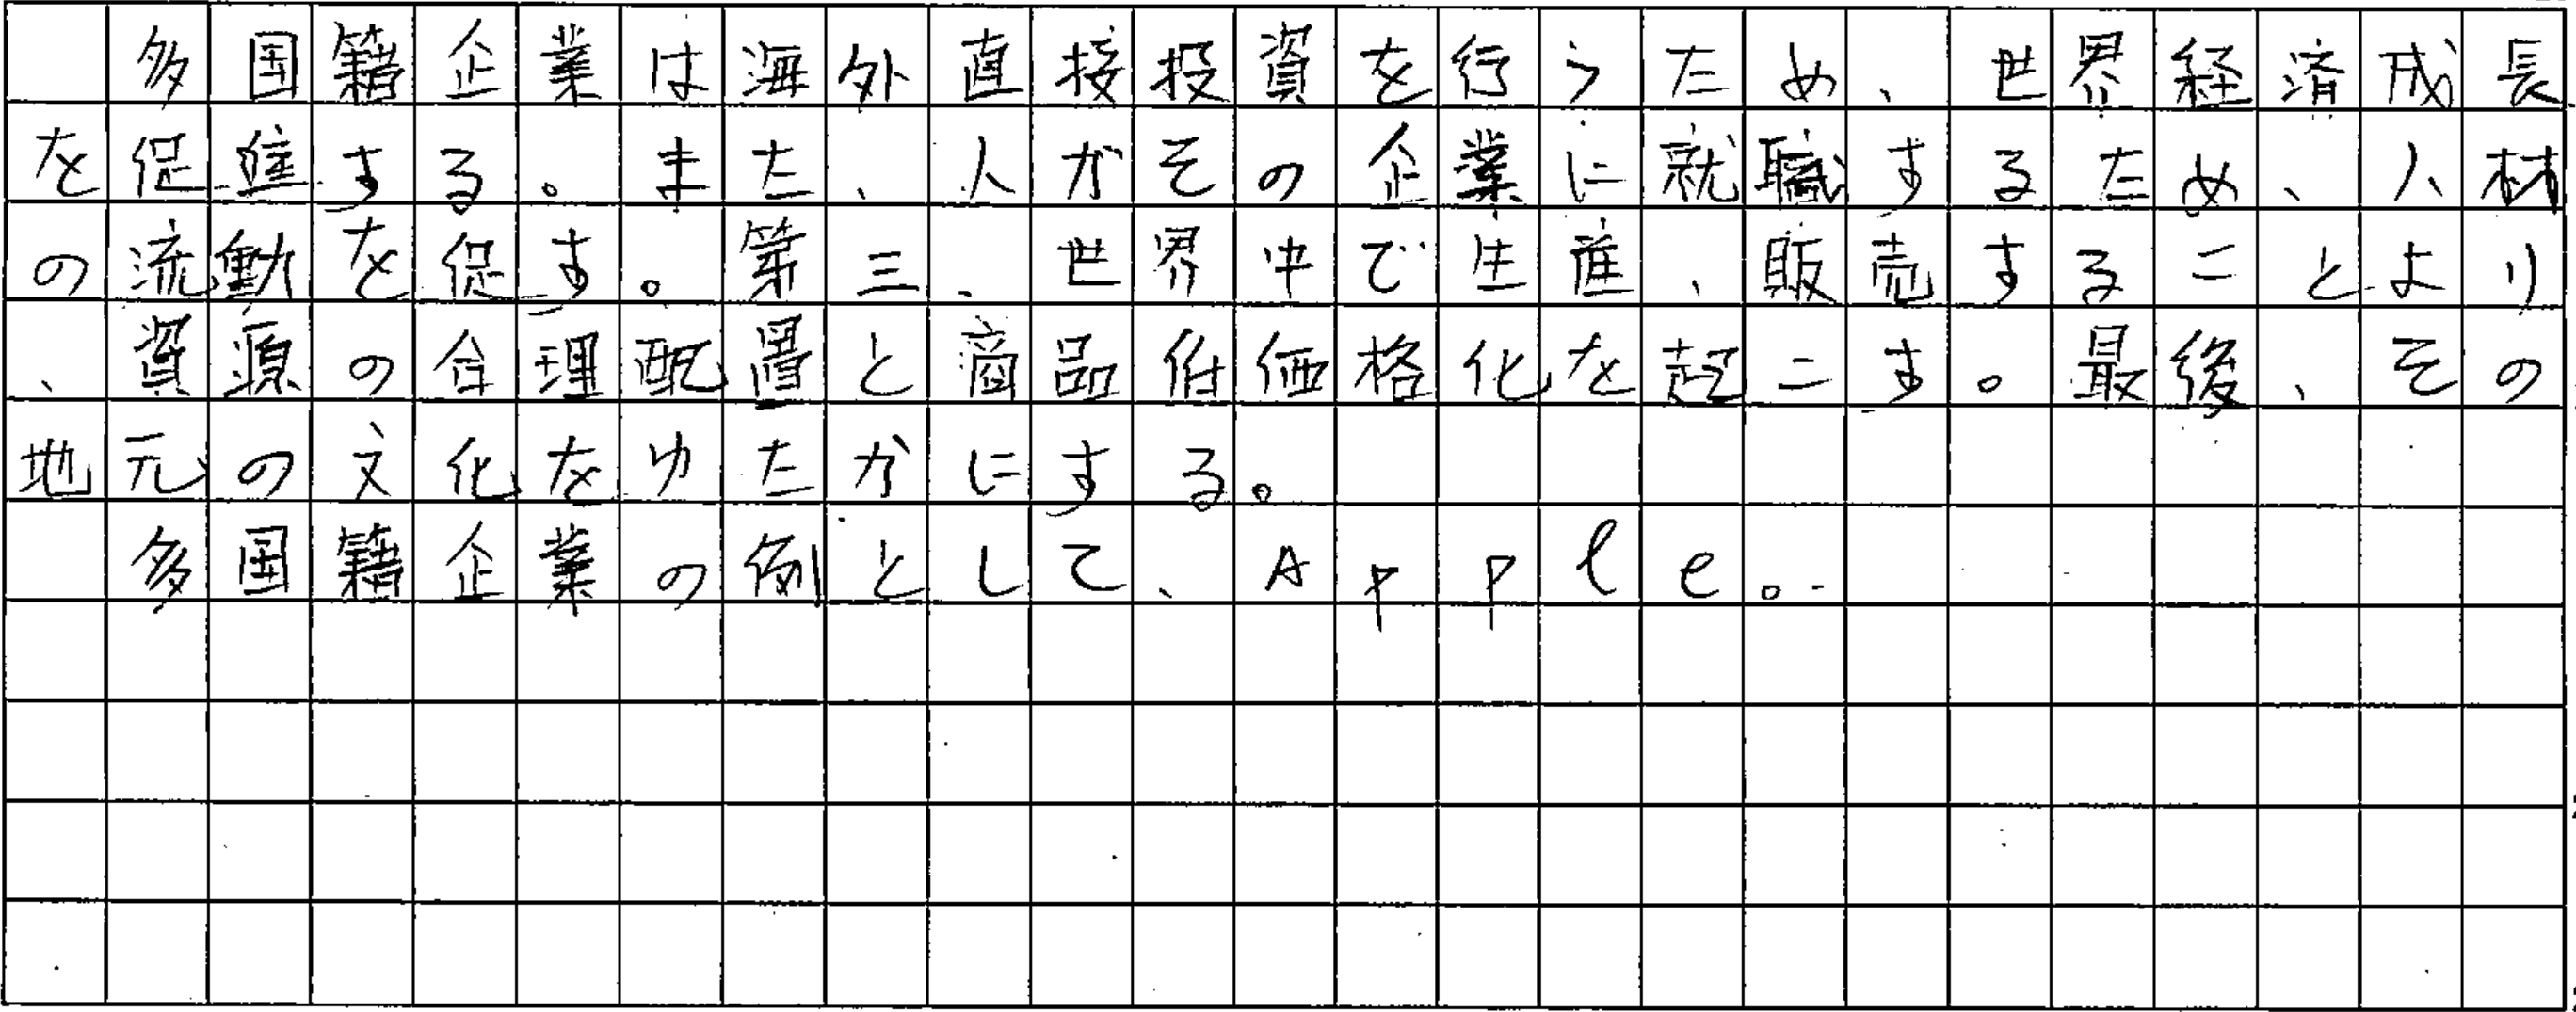　多国籍企業は海外直接投資を行うため、世界経済成長を促進する。また、人がその企業に就職するため、人材の流動を促す。第三、世界中で生産、販売することより、資源の合理配置と商品低価格化を起こす。最後、その地元の文化をゆたかにする。
　他国籍企業の例として、Ａｐｐｌｅ。
